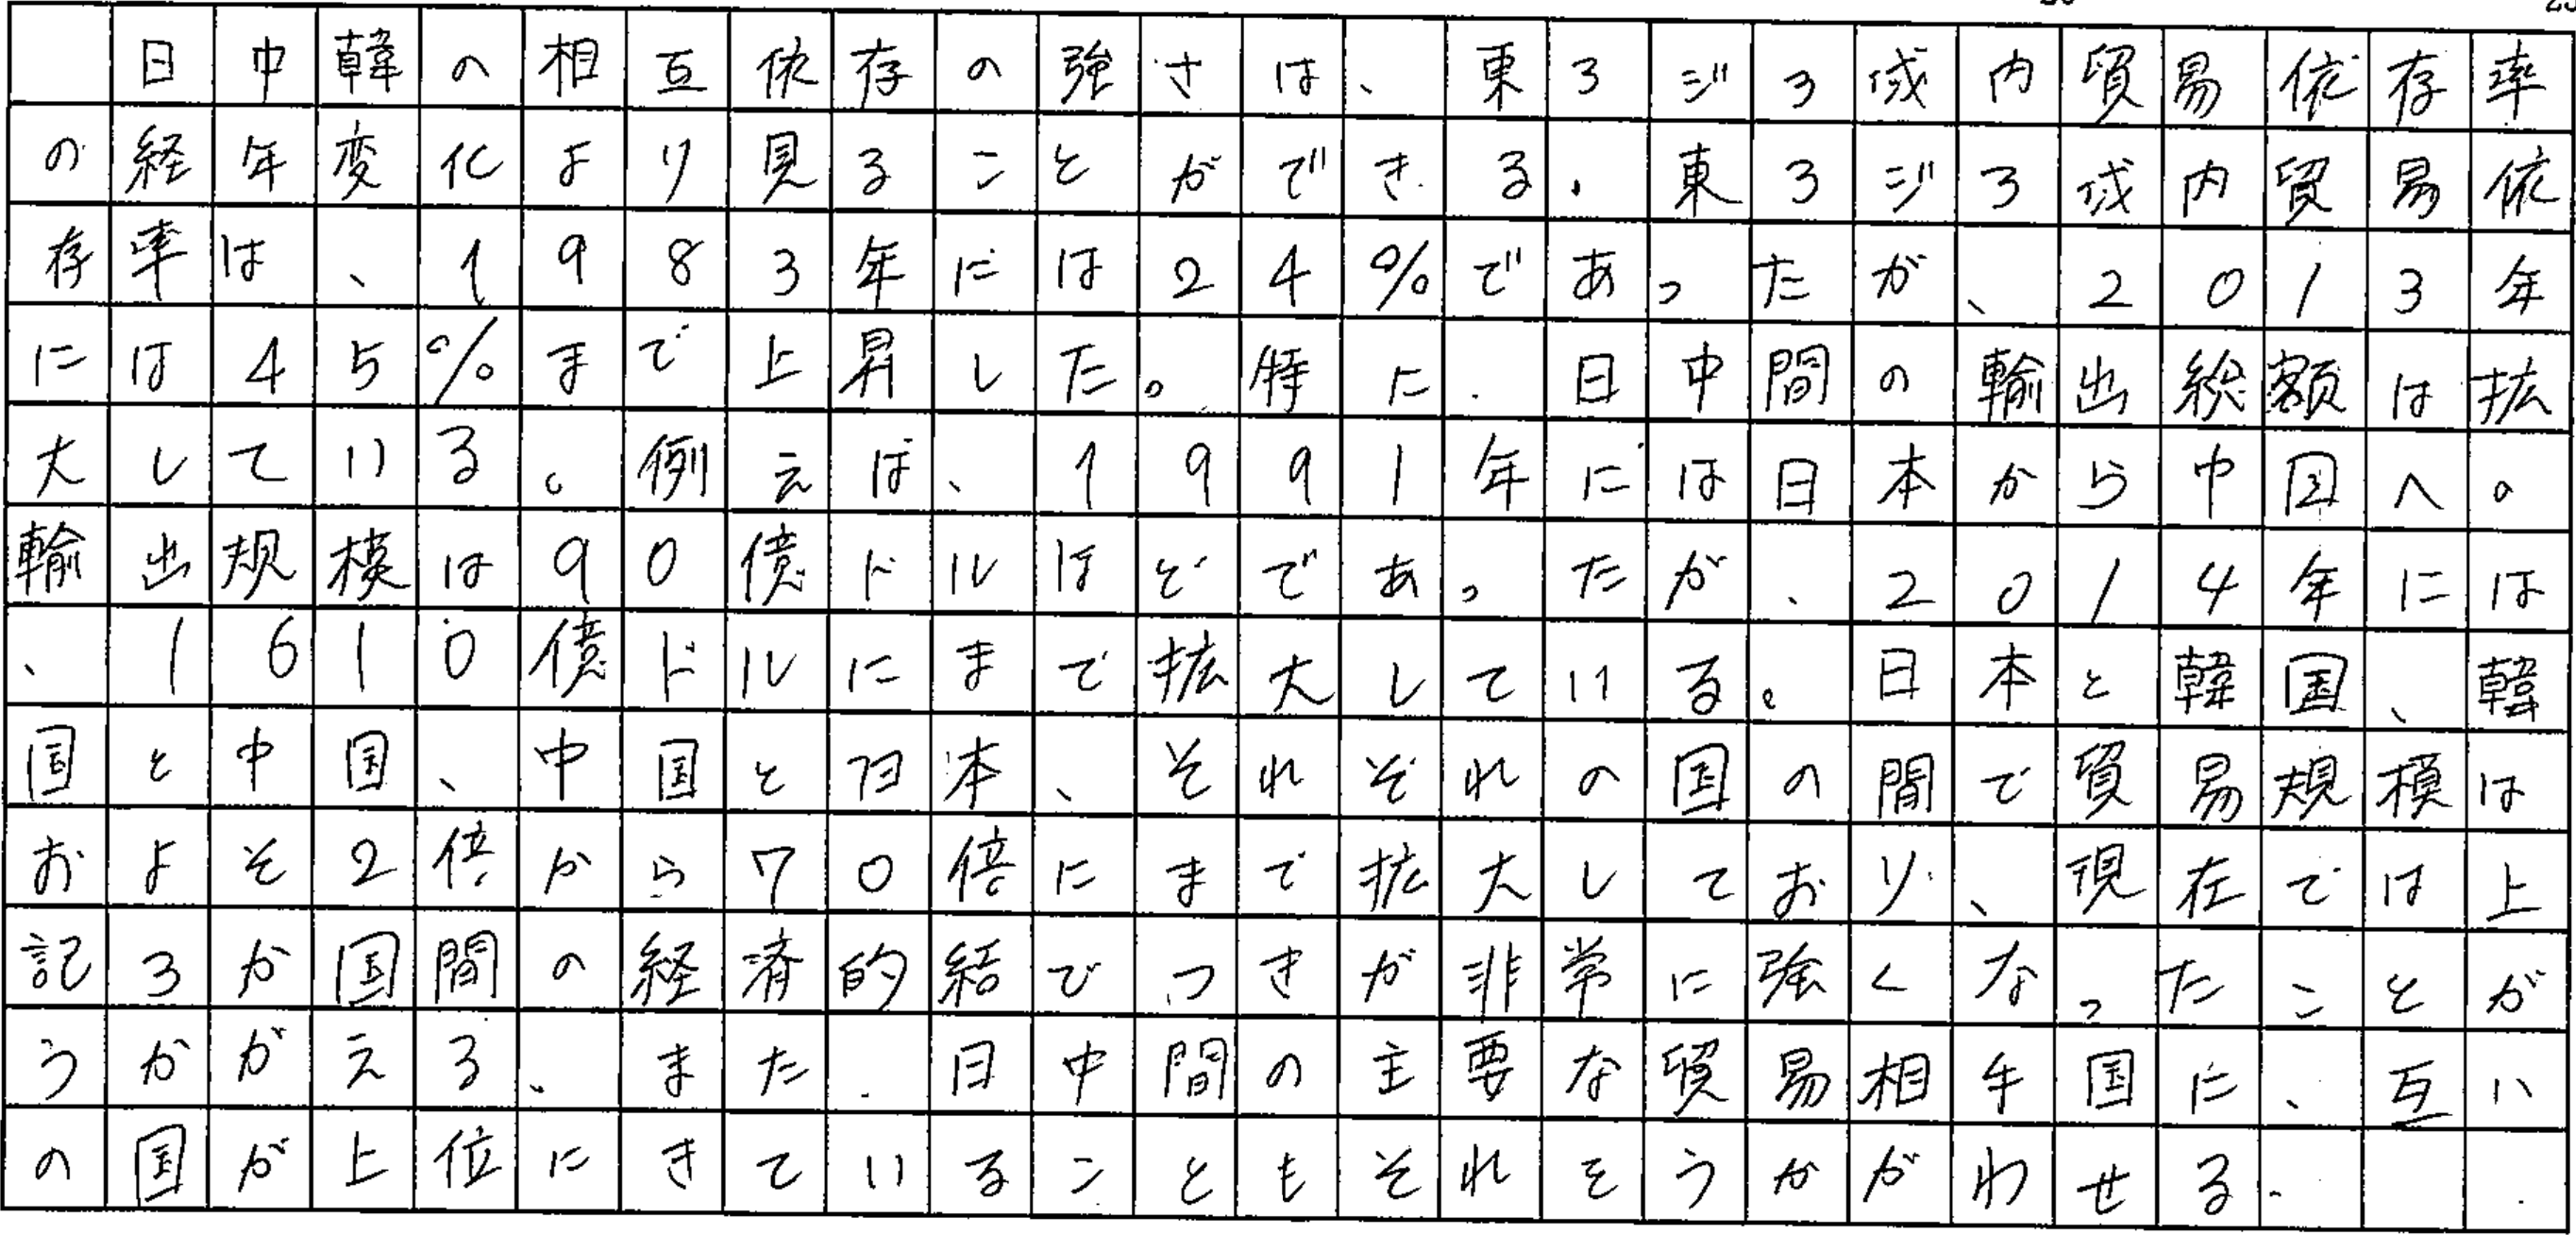　日中韓の相互依存の強さは、東アジア域内貿易依存率の経年変化より見ることができる。東アジア域内貿易依存率は、１９８３年には２４％であったが、２０１３年には４５％まで上昇した。特に、日中間の輸出総額は拡大している。例えば、１９９１年には日本から中国へ。輸出規模は９０億ドルほどであったが、２０１４年には、１６１０億ドルにまで拡大している。日本と韓国、韓国と中国、中国と日本、それぞれの国の間で貿易規模はおよそ２倍から７０倍にまで拡大しており、現在では上記３か国間の経済的結びつきが非常に強くなったことがうかがえる。また、日中間の主要な貿易相手国に、互いの国が上位にきていることもそれをうかがわせる。
